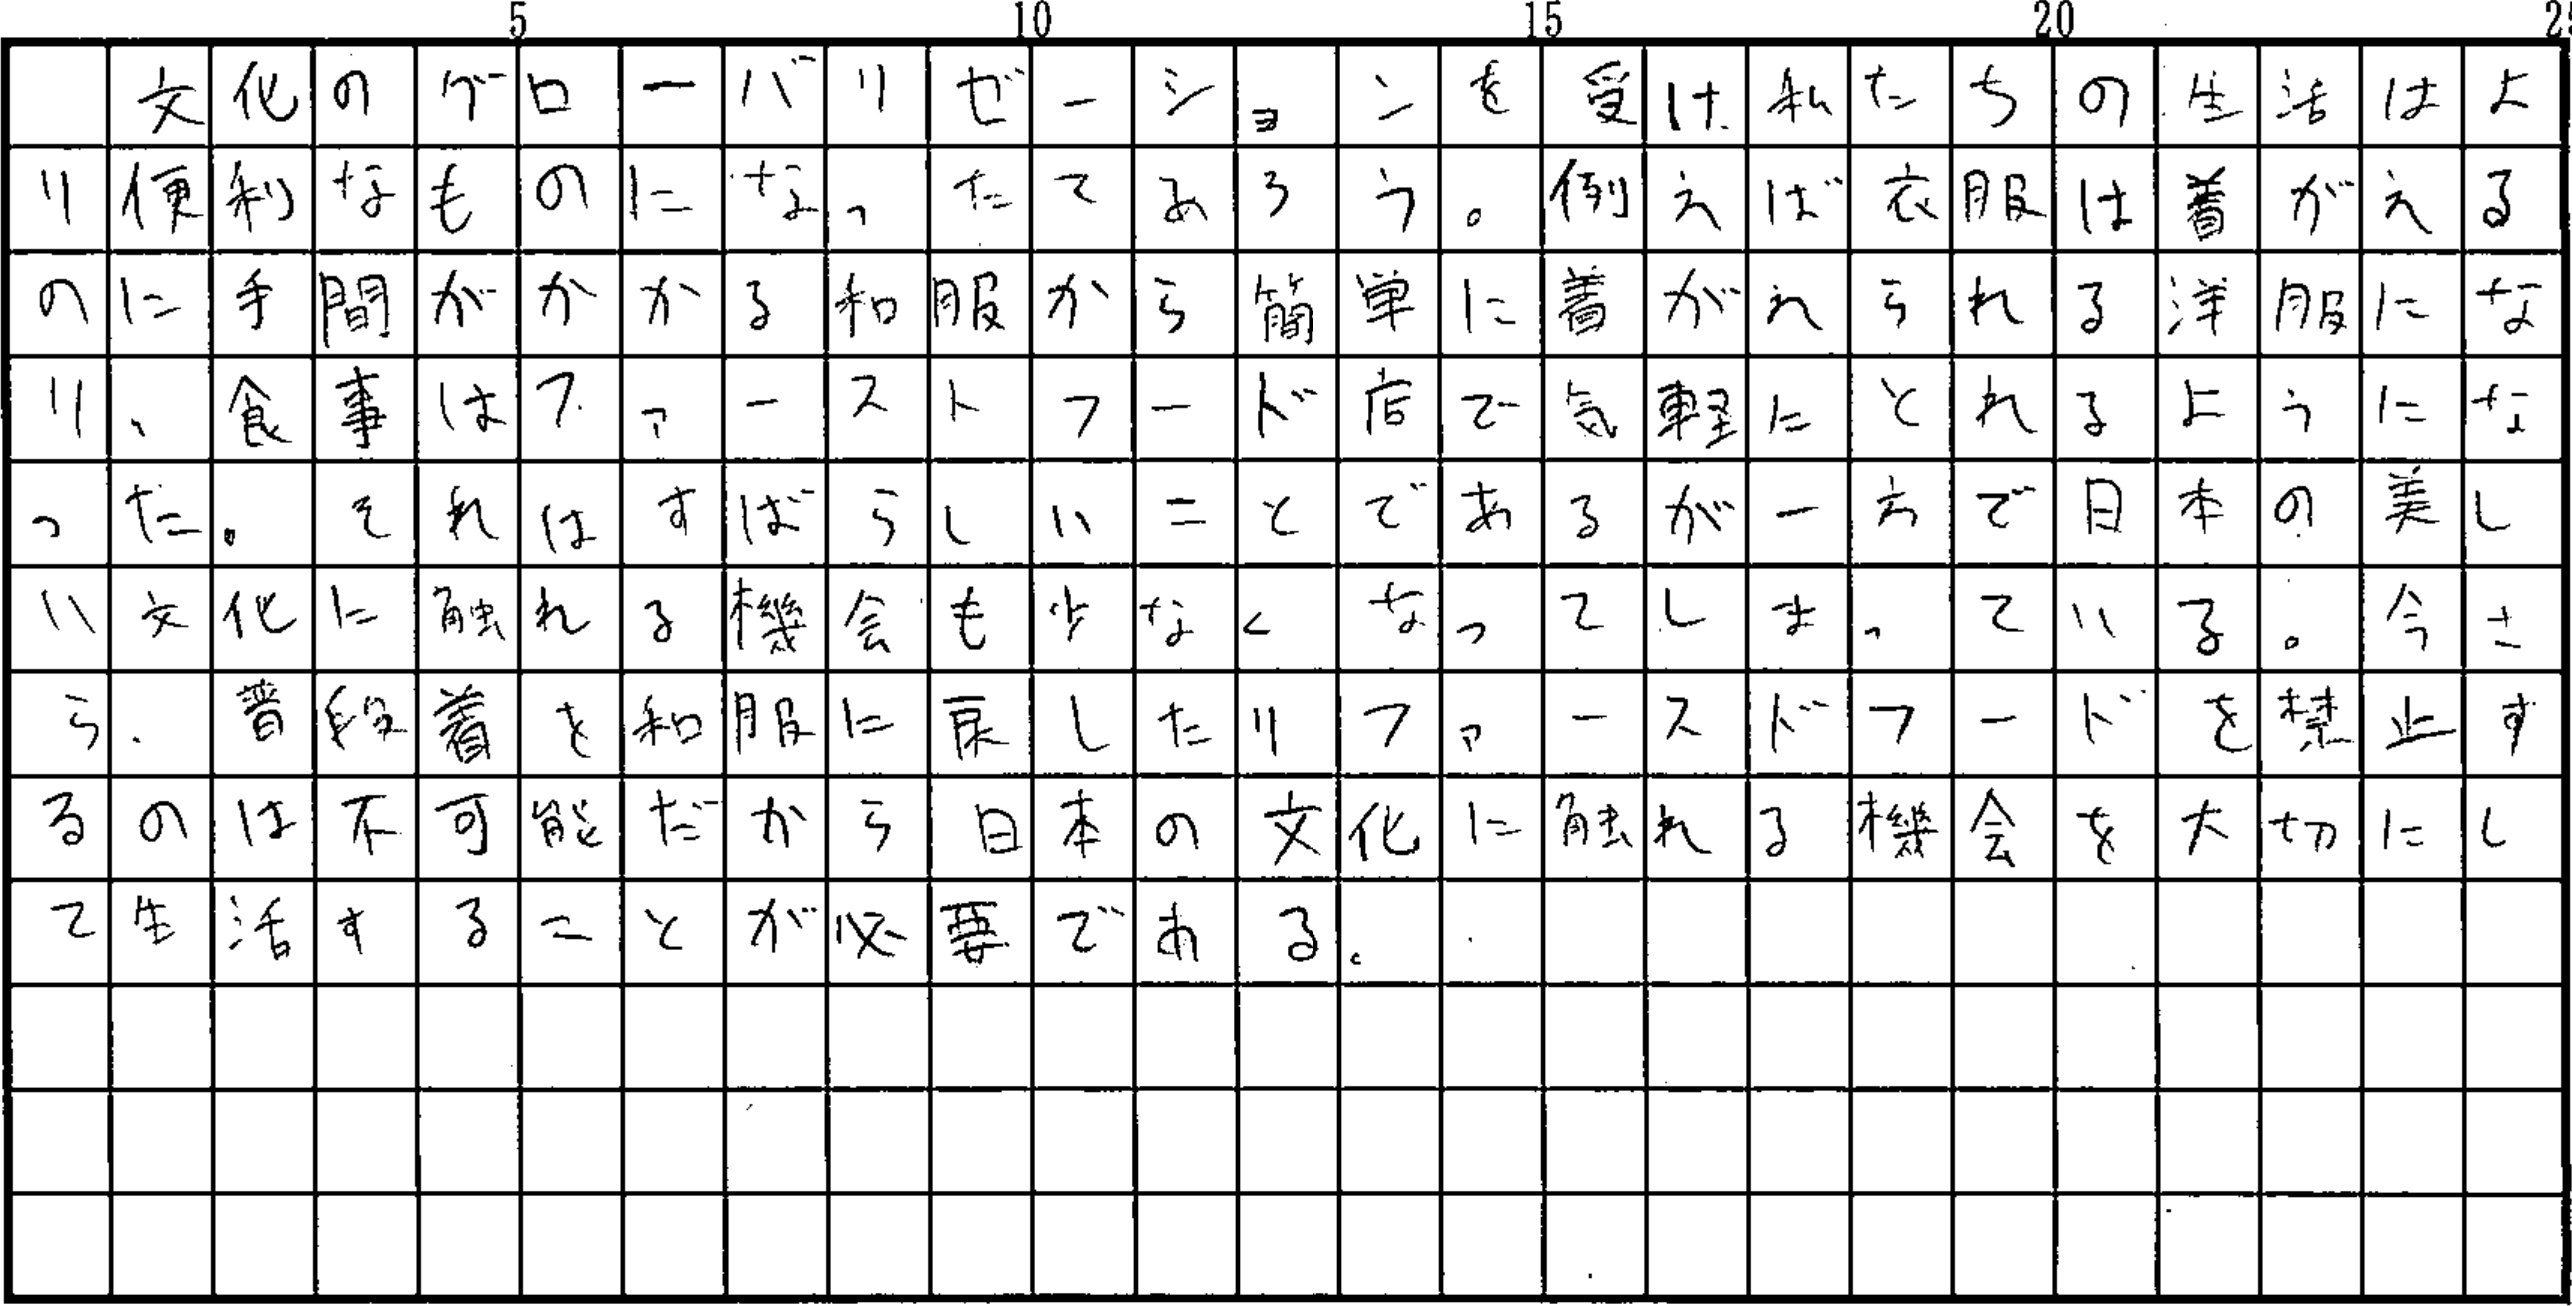　文化のグローバリゼーションを受け私たちの生活はより便利なものになったてあろう。例えば衣服は着がえるのに手間がかかる和服から簡単に着がえられる洋服になり、食事はファーストフード店で気軽にとれるようになった。それはすばらしいことであるが一方で日本の美しい文化に触れる機会も少なくなってしまっている。今さら、普段着を和服に戻したりファースドフードを禁止するのは不可能だから日本の文化に触れる機会を大切にして生活することが必要である。
